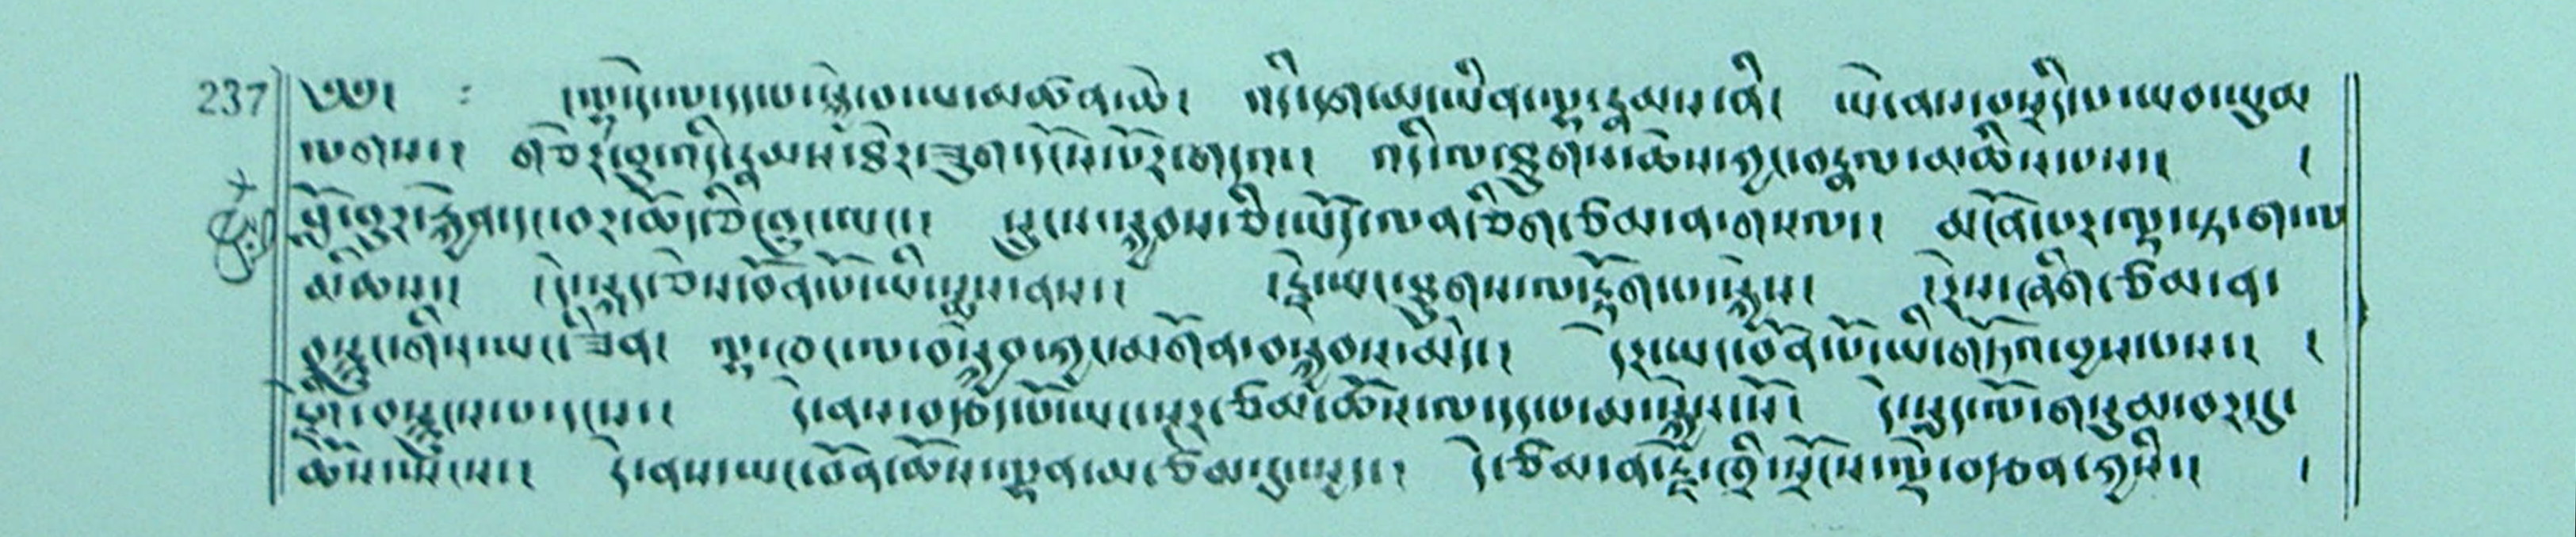༄༅། །ལྷ་དེ་ལ་དད་པ་སྐྱེ་བ་ཡ་མཚན་ཆེ། འདི་དག་མ་ཡིན་ལྷ་རྣམས་ནི། ཡེ་ནས་སྲིད་པའི་ཡབ་ཡུམ་
ལགས། གཅེར་བུ་འདི་རྣམས་ཐེར་ཟུག་དངོས་པོར་གདའ། འདི་ལ་ཐུགས་ཆེས་ཀྱང་བརྣལ་མཆིས་པས། 
གློ་བུར་རྐྱེན་དང་བར་ཆོད་ཅི་བྱུང་ཡང་། སྲུངས་སྐྱབས་ཅི་ཡོད་ལན་ཅིག་ཙམ་ན་གསལ། མངོན་པར་ལྟ་སྟ་ག་ལ་
མཆིས། དེ་སྐད་ཅེས་བོན་པོ་ཡིས་སྨྲས་ནས། རྗེ་ཡང་ཐུགས་ལ་རྟོག་པ་སྐྱེས་སོ། །རེ་ཞིག་ཙམ་ན་
བསྙུང་གིས་ཡང་ཟིན། ལྷ་ཁང་ལ་བསྐྱབས་ཀྱང་མགོན་སྐྱབས་མེད། དེར་ཡང་བོན་པོ་ཡིས་གཏོའ་བྱས་པས་
རྗེའི་བསྙུངས་པ་དྭངས། དེ་ནས་བཙད་པོ་ཡང་སྔར་ཙམ་ཆོས་ལ་དད་པ་མ་སྐྱེས་སོ། །དེ་སླད་ལོ་གསུམ་བར་དུ་
ཆོས་སྤངས། །དེ་ནས་ཡང་བོན་ཆོས་ལྷན་མ་ཙམ་དུ་སྤྱད། དེ་ཙམ་ན་རྗེ་ཁྲི་སྲོང་ལྡེ་བཙན་གྱིས།